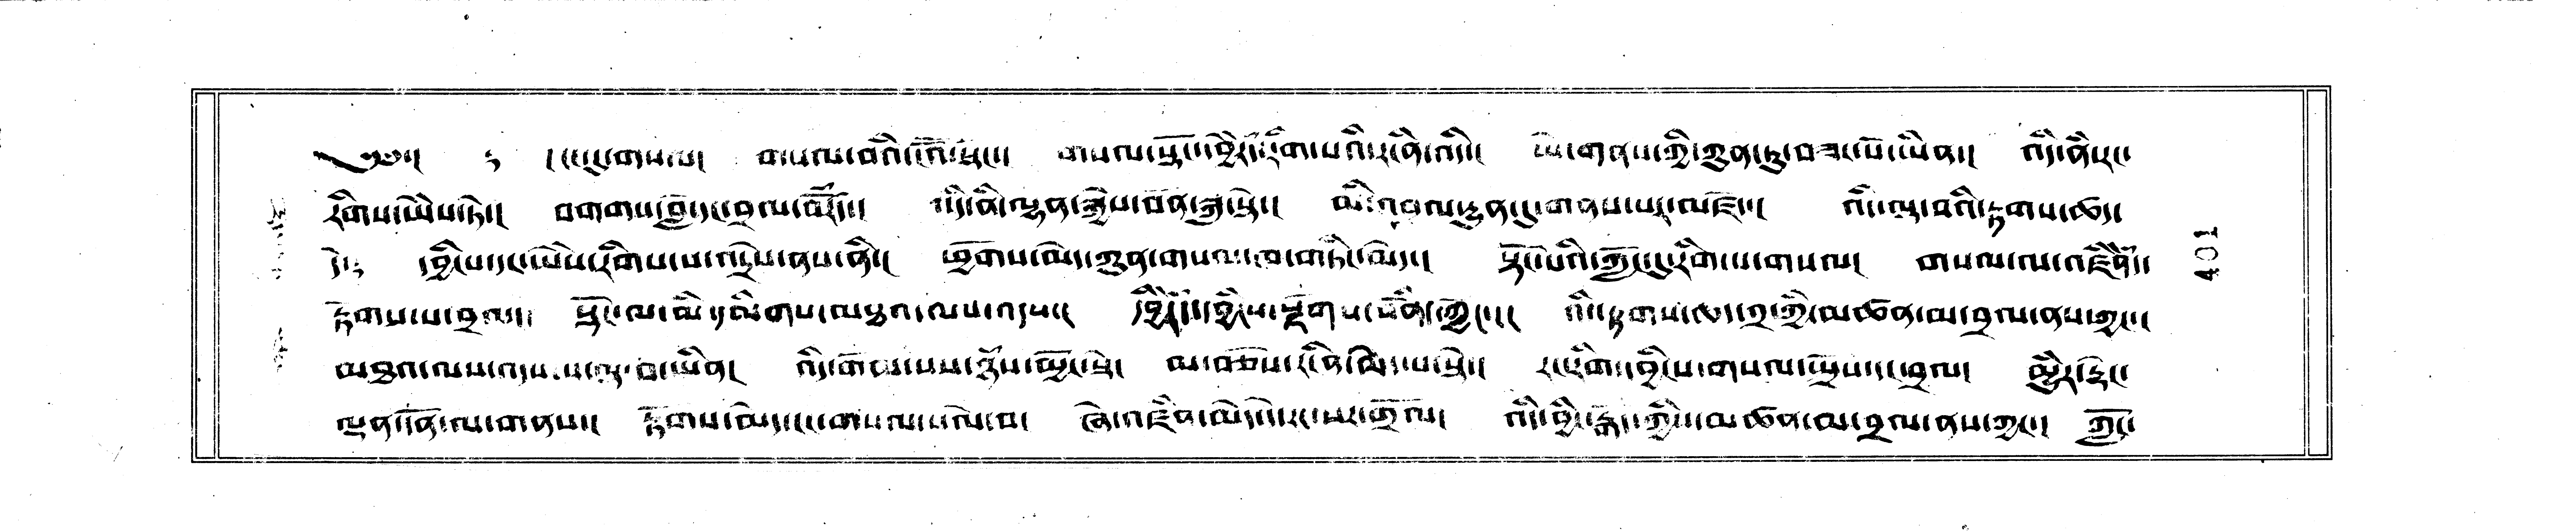དུ་གསལ། གསལ་བའི་ངང་དུ་སྟོང་། གསལ་སྟོང་དབྱེར་མེད་རིག་པའི་རང་བཞིན་འདི། ཡེ་གནས་ཀྱིས་ཀུན་དུ་བཟང་པོ་ཡིན་ནོ། འདི་ནི་རང་
རིག་ཡེ་ཤེས་ཏེ། བག་ཆགས་བློ་དང་བྲལ་བར་མཛོད། འདི་ནི་ལྷན་སྐྱེས་བོན་སྐུ་སྟེ། མི་འབྲལ་རྒྱུན་དུ་གནས་པར་་མཛོད། འདི་ནི་ལྟ་བའི་རྟོགས་ཚད་
སྟེ། དབྱིངས་དང་རིག་པ་འདྲེས་ནས་ནི། ཕྱོགས་མེད་ཀུན་གསལ་མཁའ་གཏིང་མེད། སྟོང་པའི་ཀློང་དུ་རིག་པ་གསལ། གསལ་ལ་འཛིན་མེད་
རྟོག་པ་བྲལ། སྟོང་ལ་མི་དམིགས་མཐའ་ལས་འདས། དབྱེར་མེད་དབྱིངས་རྫོགས་བོན་ཉིད་ཀློང་། འདི་རྟག་ཆད་གཉིས་ཀྱིས་མཚན་མ་བྲལ་ནས་ཀྱང། 
མཐའ་ལས་འདས་པའི་ལྟ་བ་ཡིན། འདི་ནི་གོམ་པའི་ཉམས་མྱོང་སྟེ། མ་བཅོས་རང་བཞིན་མེད་པའོ། རང་རིག་དབྱིངས་གསལ་སྤྲོས་དང་བྲལ། མི་གྱུར་ལྡིང་༼གདེང༽་
ལྡན་དོན་ལ་གནས། རྟོག་མེད་ངང་གསལ་སལེ་བ། ཞེ་འཛིན་མེད་དེ་རང་སར་གྲོལ། འདི་ནི་བྱིང་རྒོད་ཀྱིས་མཚན་མ་བྲལ་ནས་ཀྱང་། ཀློང་